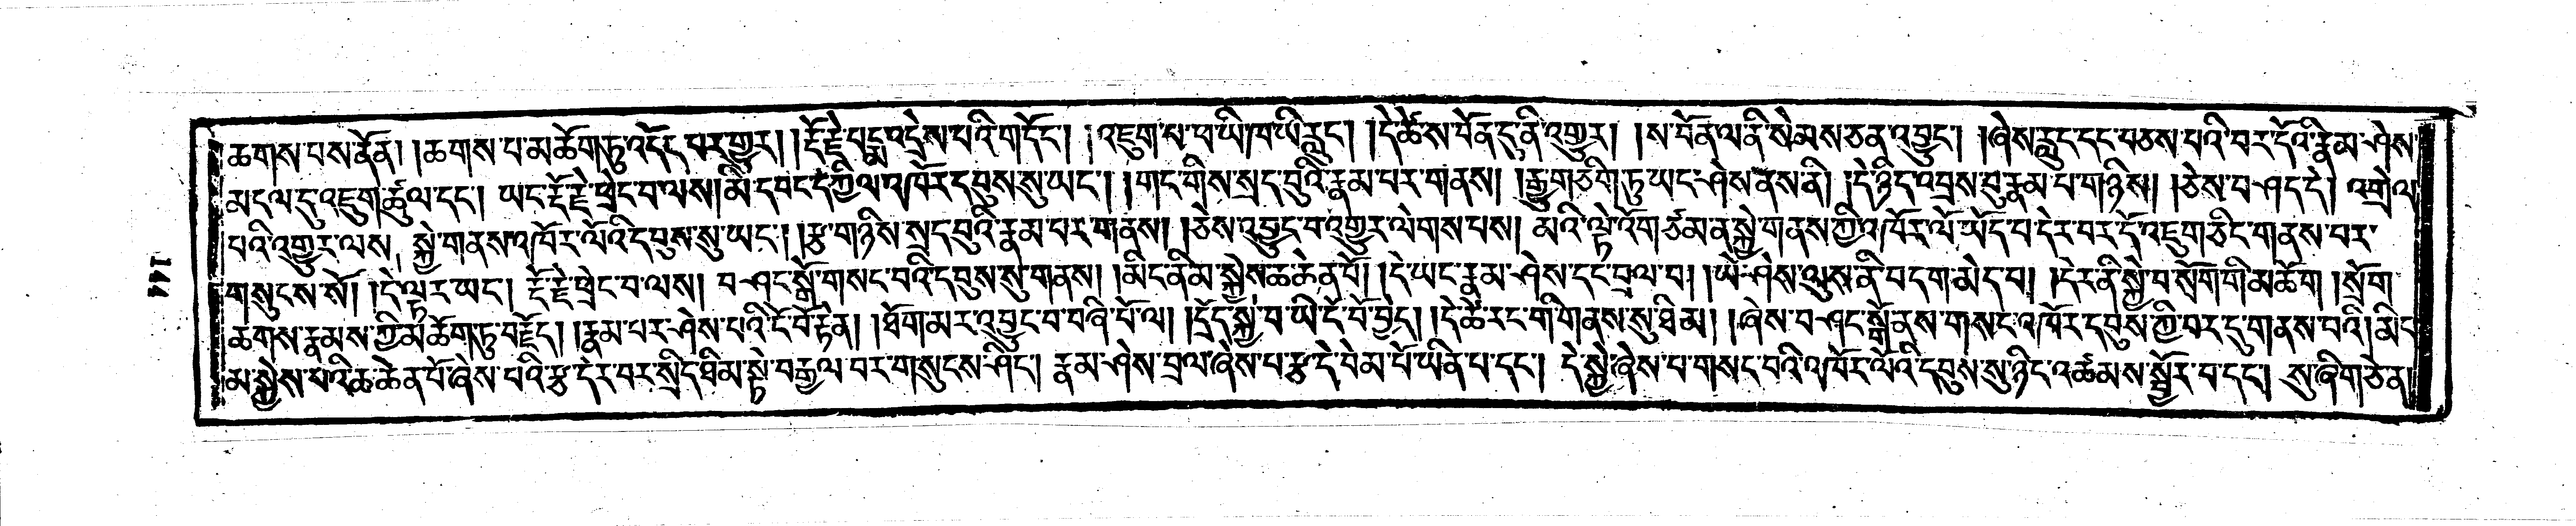ཆགས་པས་ནོན། །ཆགས་པ་མཆོག་ཏུ་འདོད་པར་གྱུར། །རྡོ་རྗེ་པདམ་འདྲེས་པའི་གདོང་། །འཇུག་པ་ཕ་ཡི་ཁ་ཡི་རླུང་། །དེ་ཚེ་ས་བོན་དུ་ནི་འགྱུར། །ས་བོན་ལ་ནི་སེམས་ཅན་འབྱུང་། །ཞེས་རླུང་དང་བཅས་པའི་བར་དོའི་རྣམ་ཤེས་
མངལ་དུ་འཇུག་ཚུལ་དང་། ཡང་རྡོ་རྗེ་ཕྲེང་བ་ལས། མི་དབང་དཀྱིལ་འཁོར་དབུས་སུ་ཡང་། །གང་གིས་སྲད་བུའི་རྣམ་པར་གནས། །རྒྱུ་གཅིག་ཏུ་ཡང་ཤེས་ནས་ནི། །དེ་ཉིད་འབྲས་བུ་རྣམ་པ་གཉིས། །ཅེས་བཤད་དེ། འགྲེལ་
པའི་འགྱུར་ལས། སྐྱེ་གནས་འཁོར་ལོའི་དབུས་སུ་ཡང་། །རྩ་གཉིས་སྲད་བུའི་རྣམ་པར་གནས། །ཅེས་འབྱུང་བ་འགྱུར་ལེགས་པས། མའི་ལྟེ་འོག་ཙམ་ན་སྐྱེ་གནས་ཀྱི་འཁོར་ལོ་ཡོད་པ་དེར་བར་དོ་འཇུག་ཅིང་གནས་པར་
གསུངས་སོ། །དེ་ལྟར་ཡང་། རྡོ་རྗེ་ཕྲེང་བ་ལས། བཤང་སྒོ་གསང་བའི་དབུས་སུ་གནས། །མིང་ནི་མ་སྐྱེས་ཆ་ཆེན་པོ། །དེ་ཡང་རྣམ་ཤེས་དང་བྲལ་བ། །ཡེ་ཤེས་ལུས་ནི་བདག་མེད་པ། །དེར་ནི་སྐྱེ་བ་སྲོག་གི་མཆོག །སྲོག་
ཆགས་རྣམས་ཀྱི་མཆོག་ཏུ་བརྗོད། །རྣམ་པར་ཤེས་པའི་ངོ་བོ་རྟེན། །ཐོག་མར་འབྱུང་བ་བཞི་པོ་ལ། །དྲོད་སྐྱེ་བ་ཡི་ངོ་བོ་བྱེད། །དེ་ཚེ་རང་གི་གནས་སུ་ཐིམ། །ཞེས་བཤད་སྒོ་ནས་གསང་འཁོར་དབུས་ཀྱི་བར་དུ་གནས་པའི། མིང་
མ་སྐྱེས་པའི་ཆ་ཆེན་པོ་ཞེས་པའི་རྩ་དེར་བར་སྲིད་ཐིམ་སྟེ་བརྒྱལ་བར་གསུངས་ཤིང་། རྣམ་ཤེས་བྲལ་ཞེས་པ་རྩ་དེ་བེམ་པོ་ཡིན་པ་དང་། དེ་སྐྱེ་ཞེས་པ་གསང་བའི་འཁོར་ལོའི་དབུས་སུ་ཉིད་འཚམས་སྦྱོར་བ་དང་། སུ་ཞིག་ཅེ་ན་